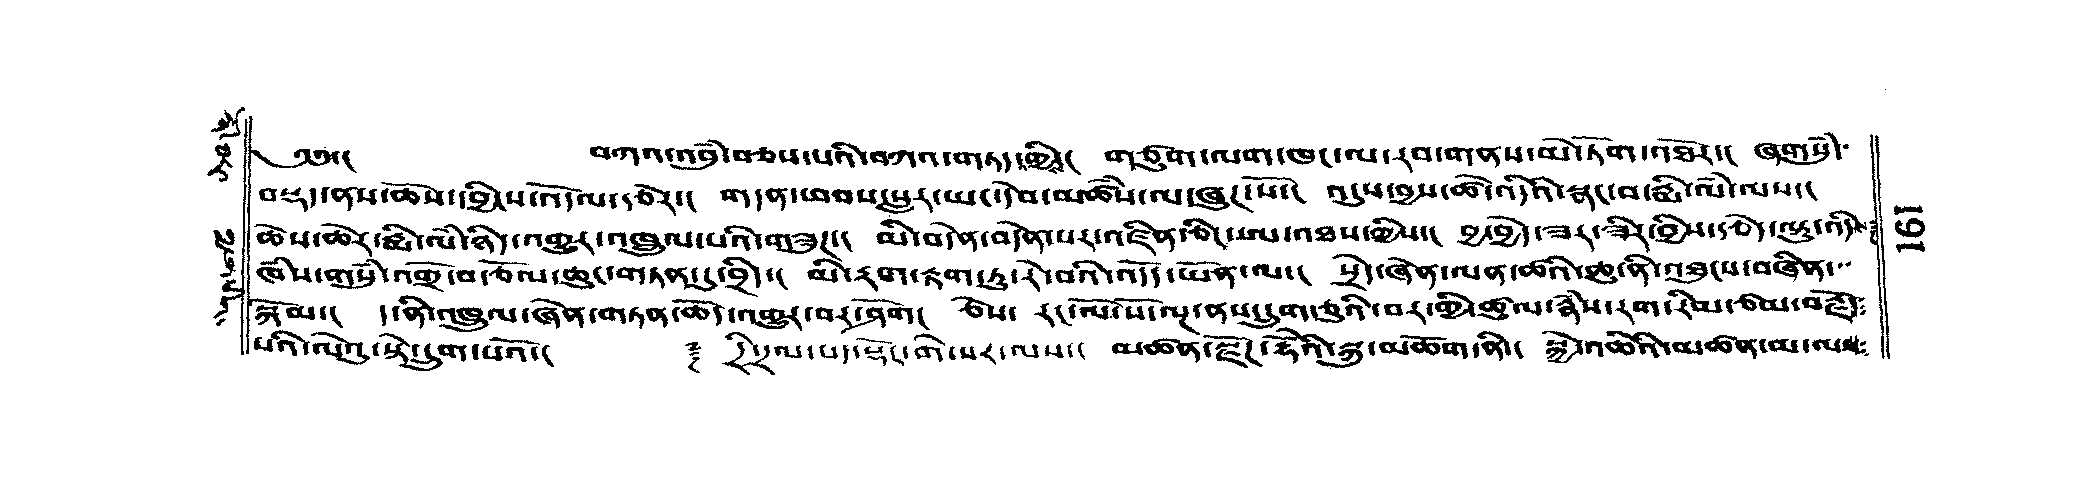བཀའ་འབུམ་བཅས་པའི་བཀའ་གཏད་བགྱིས། །གཙུག་ལག་ཁང་ལ་རབ་གནས་མེ་ཏོག་འཐོར། །ཞག་གསུམ་
བསྡད་ནས་ཆོས་དབྱིངས་འོད་གསལ་རྩེར། །གདན་ཕབས་སླར་ཡང་དེབ་མཚམས་ལ་ཞུགས་སོ། །འདུས་བྱས་ཚེ་འདིའི་སྣང་བ་རྨི་ལམ་ལས། །
ཆེས་ཆེར་རྨི་ལམ་ཉིད་འགྱུར་འཁྲུལ་པའི་གཟུགས། །མི་བདེན་བདེན་པར་འཛིན་ཅིང་ཨ་འཐས་ཀྱིས། །བྱ་བྱེད་ཟར་ཟིར་བྱིས་རྩེད་ལྟ་བུ་འདིས། །
ཁམས་གསུམ་འགྲོ་བ་ཅོལ་ཆུང་གཏན་དུ་བྲིད། །མི་རྟག་རྟག་ཏུ་རེ་བའི་འདོད་ཡོན་ལ། །སྲེད་ཞེན་ལན་ཚྭའི་ཆུ་ནི་འཐུངས་བཞིན་
སྐོམ། །ད་ནི་འཁྲུལ་ཞེན་གཏན་ཆོད་འགྱུར་བར་ཤོག། ཅེས་རང་ལོ་སོ་ལྔ་ནས་དྲུག་ཅུའི་བར་གྱི་ཚུལ་རྣམས་རགས་རིམ་ཙམ་བརྗོད་
པའི་ལེའུ་སྟེ་དྲུག་པའོ།། ༈ དྲི་བྲལ་པད་སྡོང་གེ་སར་ལས། །མཚན་རྫོགས་རྡོ་རྗེའི་སྐུ་མཆོག་ནི། །སྐྱེ་འཆིའི་མཚན་མ་ལས་